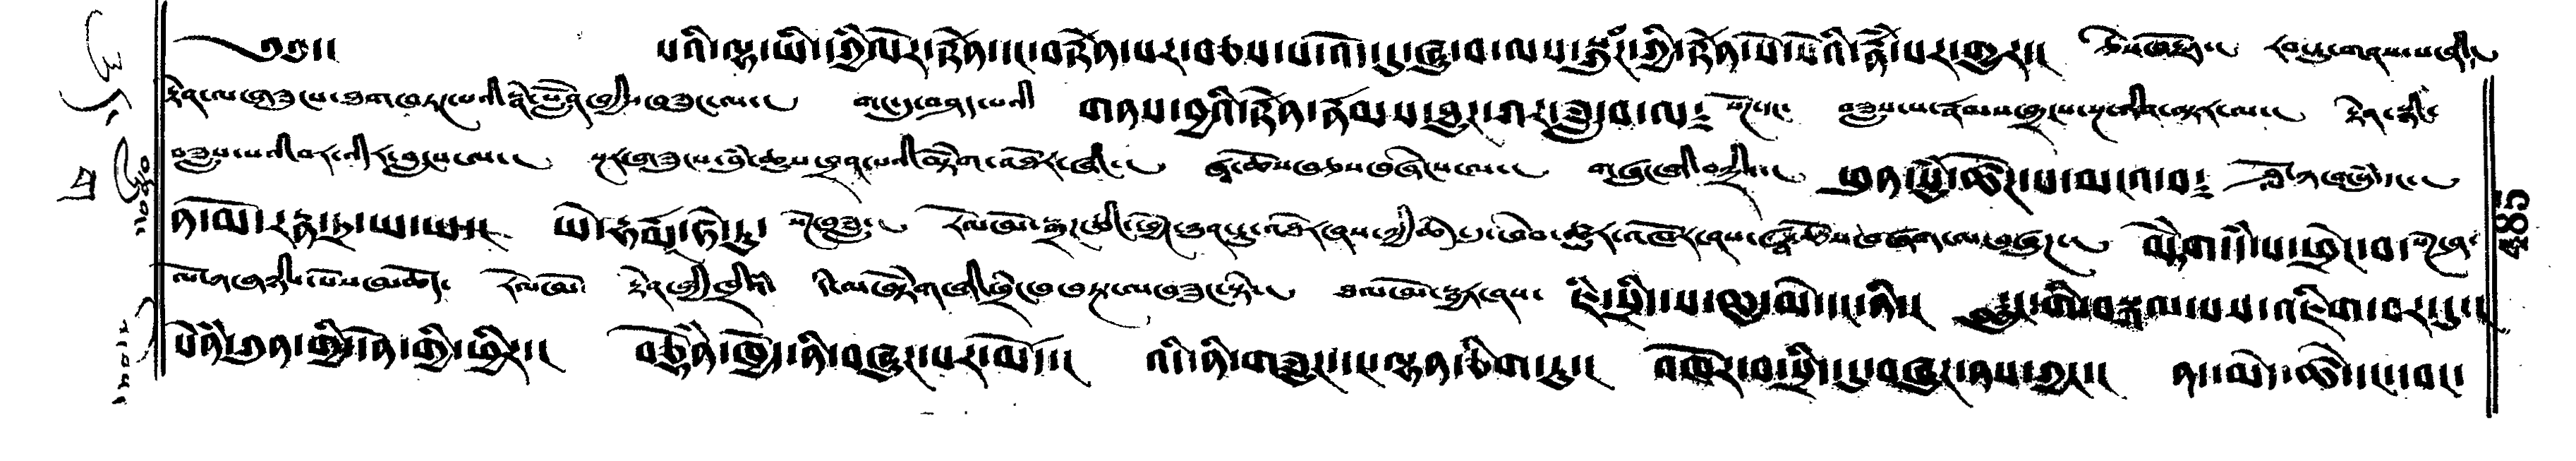པའི་ལྷ་ཡི་དཀྱིལ་འཁོར་རྟེན་དང་བརྟེན་པར་བཅས་པ་འོད་དུ་ཞུ་བ་ལས་སྐུ་གསུང་ཐུགས་ཀྱི་རྟེན་སོ་སོའི་རྣམ་པར་གྱུར། ཅེས་བརྗོད། རབ་ཏུ་གནས་པ་ནི། 
རྟེན་ལ་གཟུངས་ཐག་བཏགས་པའི་སྣེ་སློབ་དཔོན་གྱིས་བཟུང་ལ། གོང་དུ་བཤད་པའི། གནས་བྱའི་རྟེན་རྣམས་ཐུགས་ཀར་ཟླ་བ་ལ༴ སོགས་དང་། བཟླས་པ་རྣམས་གྲངས་སྔ་ཉིན་ལྟར་ལ། རྟེན་སྙིང་
བཟླས་པའི་བར་འདིར་བླངས་ལ། སྔར་གཟུངས་བུམ་ཆུས་བྲན་པའི་མེ་ཏོག་འཐོར་ཞིང་། ཞྭ་ཆོས་བཅས་བཞེངས་ལ། གཞུང་གི་བཀྲ་ཤིས། ཕུན་སུམ་ཚོགས་པ་མངའ་བ༴ ཤླཽ་ཀ་གསུམ་དང་། 
ན་མོ་རཏྣ་ཏྲ་ཡ་ཡ། ཡེ་དྷརྨ་ཧེ་ཏུ༴ སོགས་བཟླ། རོལ་མོ་སྒྲགས་ཤིང་ཕྱོགས་ཀུན་ཏུ་འཐོར་ནས་ཀྱི་ཆེད་དུ་ཕེབས། ཚུར་འཁོར་ནས་ཞྭ་ཆོས་བཞག་ལ་བཞུགས། མེ་ཏོག་དམ་པ་ཕྲེང་བ༴ སོགས་ཤོ་
ལོ་ཀ་གཉིས་པོས་མཆོད། རོལ་མོ། རྟེན་གྱི་ཁྲིའམ། དེ་ལ་མེ་ཏོག་གི་ཕྲེང་བ་བཏགས་ལ་བཟུང་སྟེ། ཐལ་མོ་སྦྱར་ནས། ཇི་སྲིད་ས་ཆུ་མེ་དང་ནི། །རླུང་གི་བསྐལ་པས་འཇིག་བར་དུ། །
སེམས་ཅན་ཀུན་གྱི་དོན་གྱི་ཕྱིར། །བཅོམ་ལྡན་ཁྱོད་ནི་བཞུགས་པར་མཛོད། །འདི་ནི་གཟུགས་དང་ལྷན་ཅིག་ཏུ། །འཁོར་བ་སྲིད་དུ་བཞུགས་ནས་ཀྱང་། །ནད་མེད་ཚེ་དང་དབང་